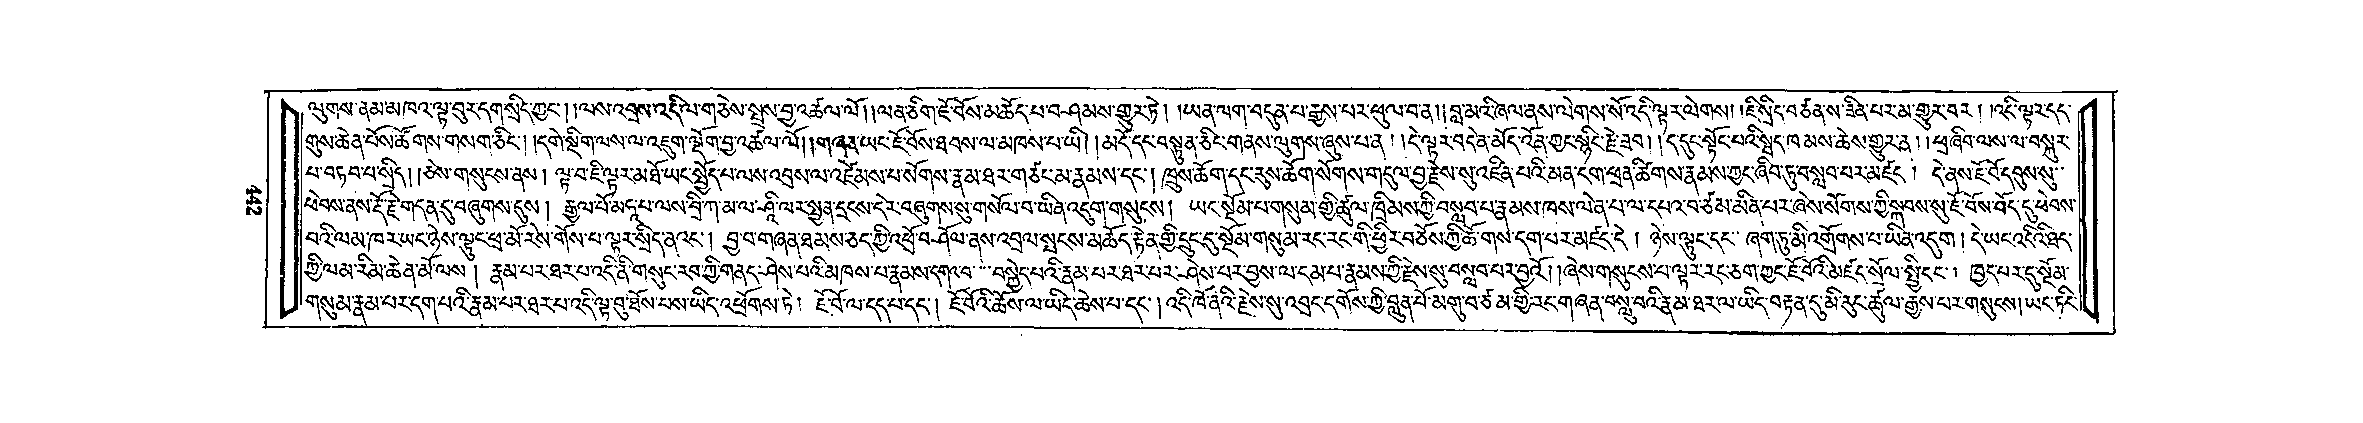ལུགས་ནམ་མཁའ་ལྟ་བུར་དག་སྲིད་ཀྱང་། །ལས་འབྲས་འདི་ལ་གཅེས་སྤྲས་བྱ་འཚལ་ལོ། །ལན་ཅིག་ཇོ་བོས་མཆོད་པ་བཤམས་གྱུར་ཏེ། །ཡན་ལག་བདུན་པ་རྒྱས་པར་ཕུལ་བ་ན། །བླ་མའི་ཞལ་ནས་ལེགས་སོ་འདི་ལྟར་ལེགས། །ཇི་སྲིད་བཙན་ས་ཟིན་པར་མ་གྱུར་བར། །འདི་ལྟར་དད་
གུས་ཆེན་པོས་ཚོགས་གསག་ཅིང་། །དགེ་སྡིག་ལས་ལ་འཇུག་ལྡོག་བྱ་འཚལ་ལོ། །གཞན་ཡང་ཇོ་བོས་ཐབས་ལ་མཁས་པ་ཡི། །མདོ་དང་བསྟུན་ཅིང་གནས་ལུགས་ཞུས་པ་ན། །དེ་ལྟར་བདེན་མོད་འོན་ཀྱང་སྙིང་རྗེ་ཟབ། །ད་དུང་སྟོང་པའི་སྦད་ཁམས་ཆེས་གྱུར་ན། །ཕྲ་ཞིབ་ལས་ལ་བསྐུར་
པ་བཏབ་པ་སྲིད། །ཅེས་གསུངས་ནས། ལྟ་བ་ཇི་ལྟར་མཐོ་ཡང་སྤྱོད་པ་ལས་འབྲས་ལ་འཛེམས་པ་སོགས་རྣམ་ཐར་གཙང་མ་རྣམས་དང་། ཁྲུས་ཆོག་དང་རུས་ཆོག་སོགས་གདུལ་བྱ་རྗེས་སུ་འཛིན་པའི་མན་ངག་ཕྲན་ཚིགས་རྣམས་ཀྱང་ཞིབ་ཏུ་བསླབ་པར་མཛད། དེ་ནས་ཇོ་བོ་དབུས་སུ་
ཕེབས་ནས་རྡོ་རྗེ་གདན་དུ་བཞུགས་དུས། རྒྱལ་པོ་མྷཱ་པ་ལས་བྲི་ཀ་མ་ལ་ཤཱི་ལར་སྤྱན་དྲངས་དེར་བཞུགས་སུ་གསོལ་བ་ཡིན་འདུག་གསུངས། ཡང་སྡོམ་པ་གསུམ་གྱི་ཚུལ་ཁྲིམས་ཀྱི་བསླབ་པ་རྣམས་ཁས་ལེན་པ་ལ་དཔའ་བ་ཙམ་མིན་པར་ཞེས་སོགས་ཀྱི་སྐབས་སུ་ཇོ་བོས་བོད་དུ་ཕེབས་
པའི་ལམ་ཁར་ཡང་ཉེས་ལྟུང་ཕྲ་མོ་རེས་གོས་པ་ལྟར་སྲིད་ནའང་། བྱ་བ་གཞན་ཐམས་ཅད་ཀྱི་འཕྲོ་བཤོལ་ནས་འབྲལ་སྤངས་མཆོད་རྟེན་གྱི་དྲུང་དུ་སྡོམ་གསུམ་རང་རང་གི་ཕྱིར་བཅོས་ཀྱི་ཆོ་གས་དག་པར་མཛད་དེ། ཉེས་ལྟུང་དང་ཞག་ཏུ་མི་འགྲོགས་པ་ཡིན་འདུག །དེ་ཡང་འདིའི་ཐད་
ཀྱི་ལམ་རིམ་ཆེན་མོ་ལས། རྣམ་པར་ཐར་པ་འདི་ནི་གསུང་རབ་ཀྱི་གནད་ཤེས་པའི་མཁས་པ་རྣམས་དགའ་བ་བསྐྱེད་པའི་རྣམ་པར་ཐར་པར་ཤེས་པར་བྱས་ལ་དམ་པ་རྣམས་ཀྱི་རྗེས་སུ་བསླབ་པར་བྱའོ། །ཞེས་གསུངས་པ་ལྟར་རང་ཅག་ཀྱང་ཇོ་བོའི་མཛད་སྲོལ་སྤྱི་དང་། ཁྱད་པར་དུ་སྡོམ་
གསུམ་རྣམ་པར་དག་པའི་རྣམ་པར་ཐར་པ་འདི་ལྟ་བུ་ཐོས་པས་ཡིད་འཕྲོགས་ཏེ། ཇོ་བོ་ལ་དད་པ་དང་། ཇོ་བོའི་ཆོས་ལ་ཡིད་ཆེས་པ་དང་། འདི་ཁོ་ནའི་རྗེས་སུ་འབྲང་དགོས་ཀྱི་བླུན་པོ་མགུ་བ་ཙམ་གྱི་རང་གཞན་བསླུ་བའི་རྣམ་ཐར་ལ་ཡིད་བརྟན་དུ་མི་རུང་ཚུལ་རྒྱས་པར་གསུངས། ཡང་ཏིང་